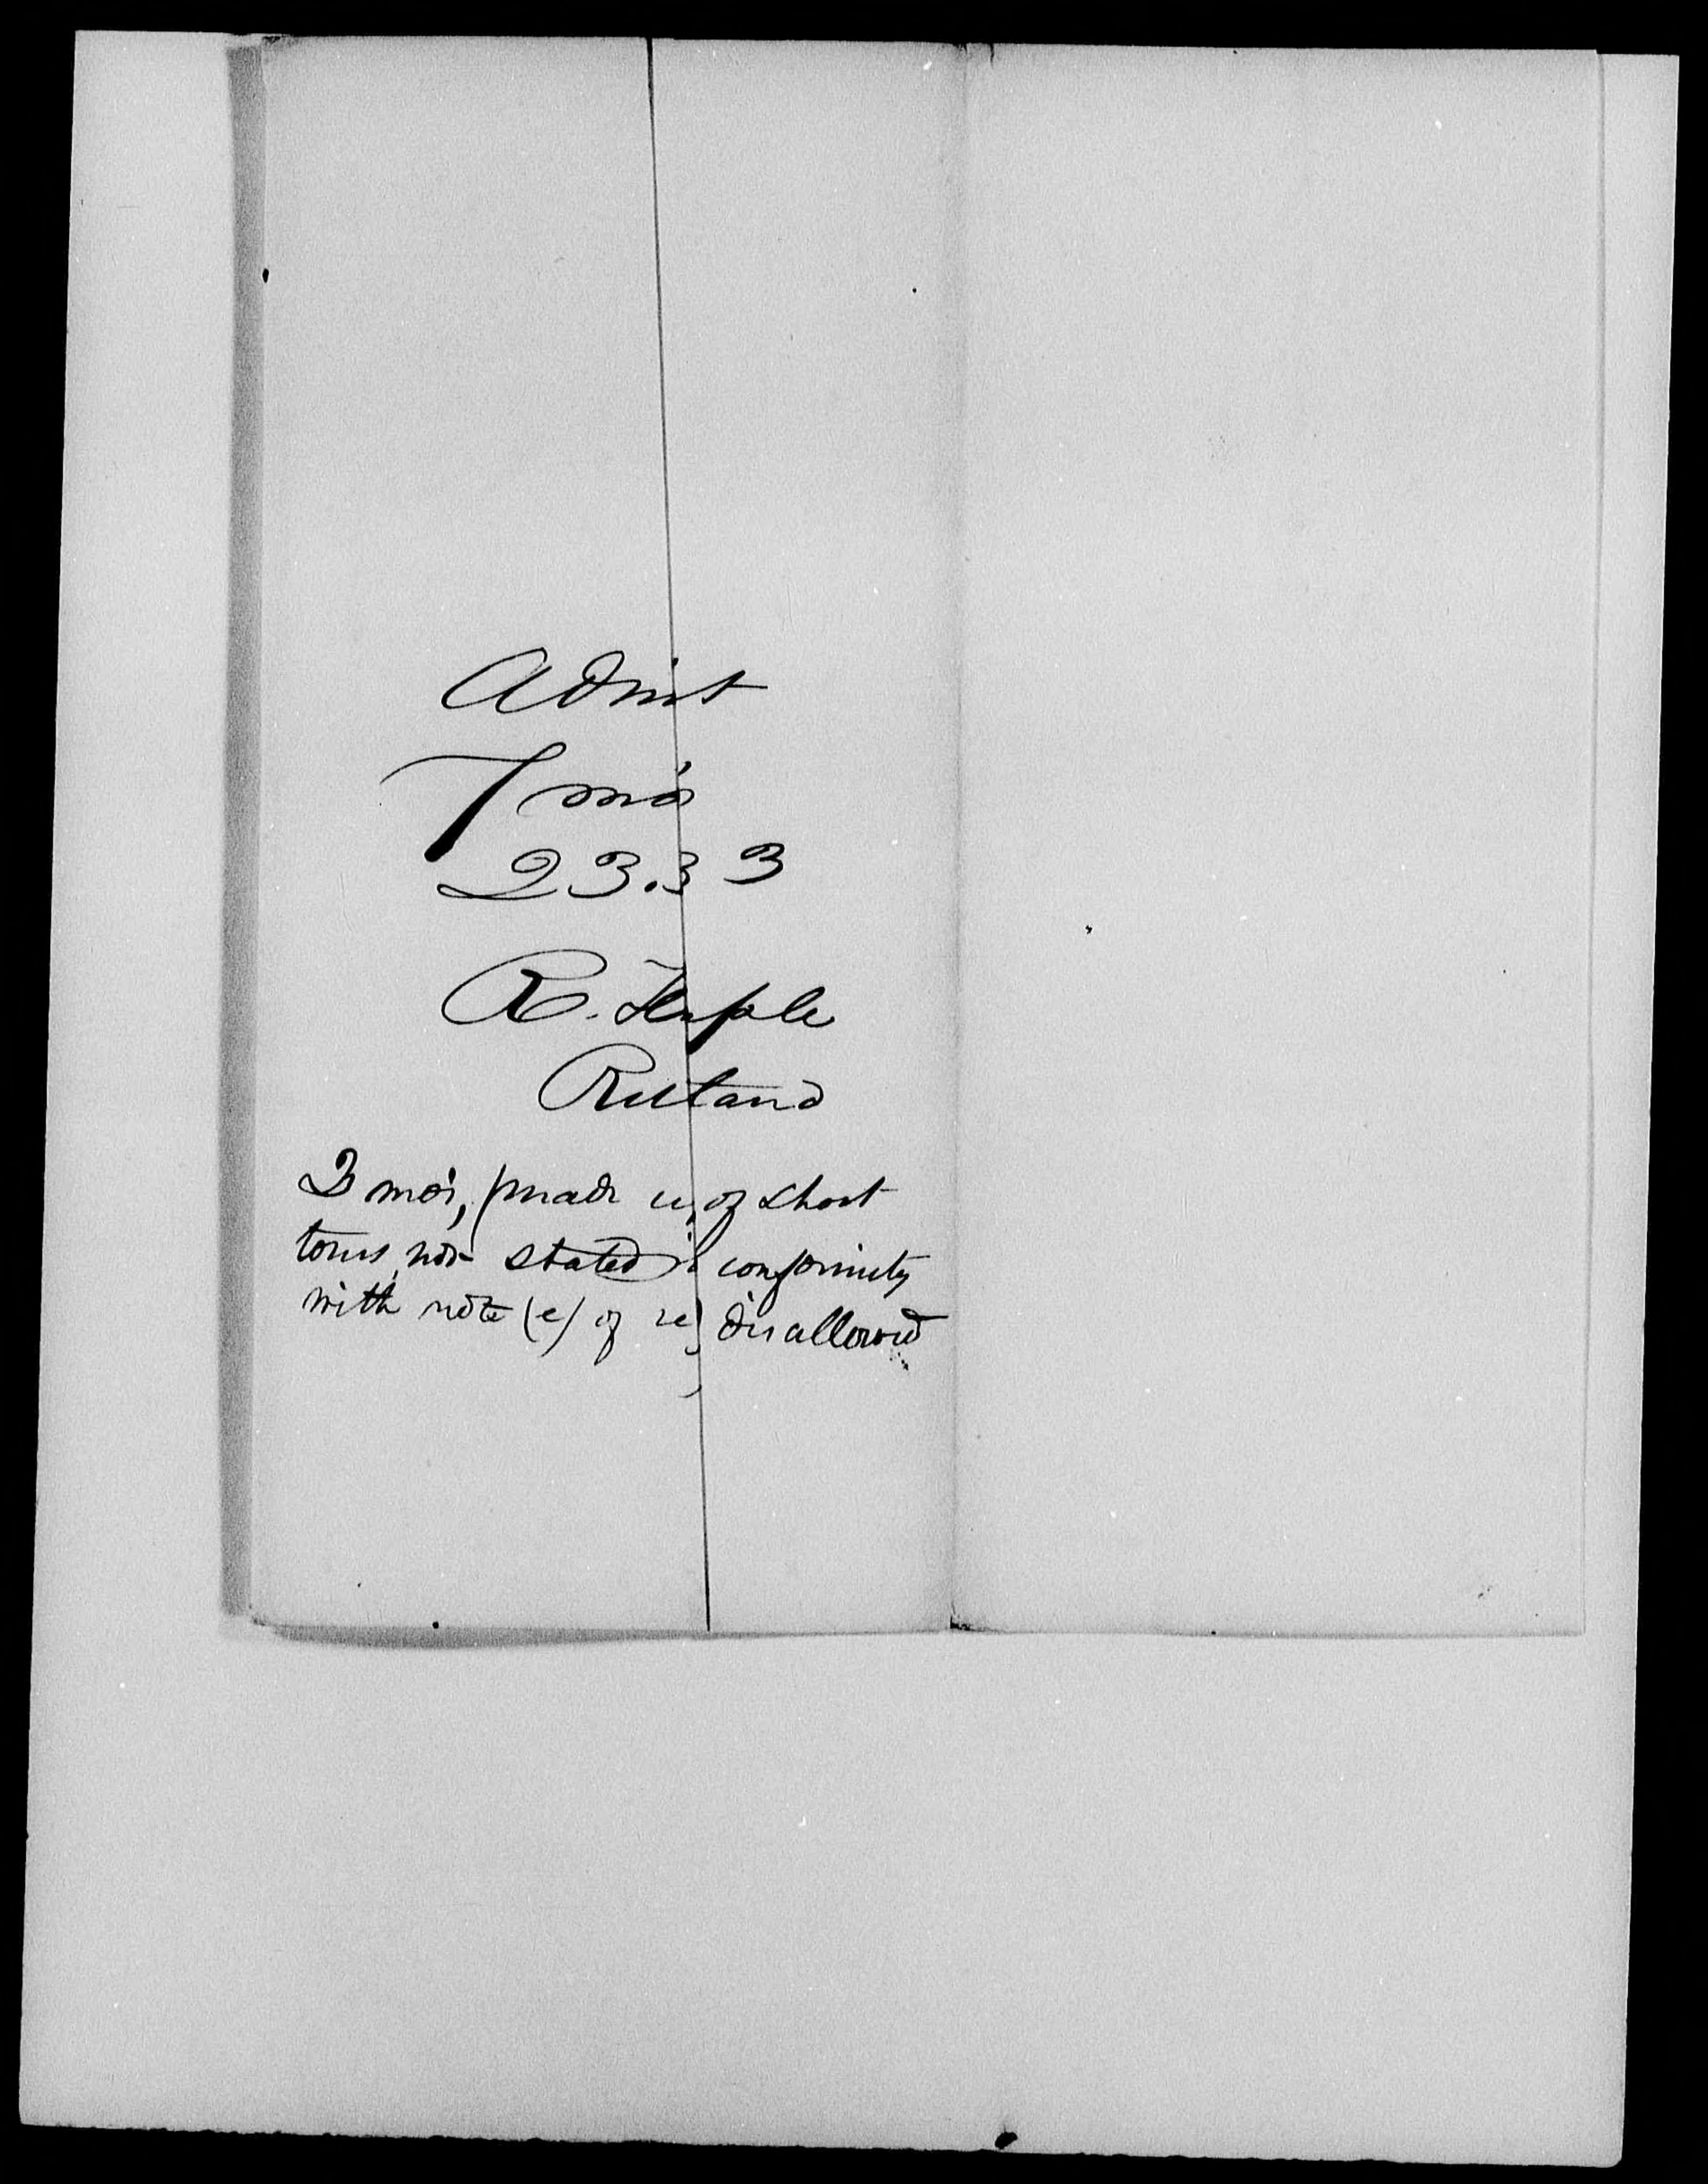Admit
7 mos
23.33
R. Temple
Rutland
2 mos, made up of short terms not stated conformity with note (e/of reg) disallowed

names: R Temple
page: 17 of 33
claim: survivor's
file: S. 12632, William Crossman, Mass. Vt.